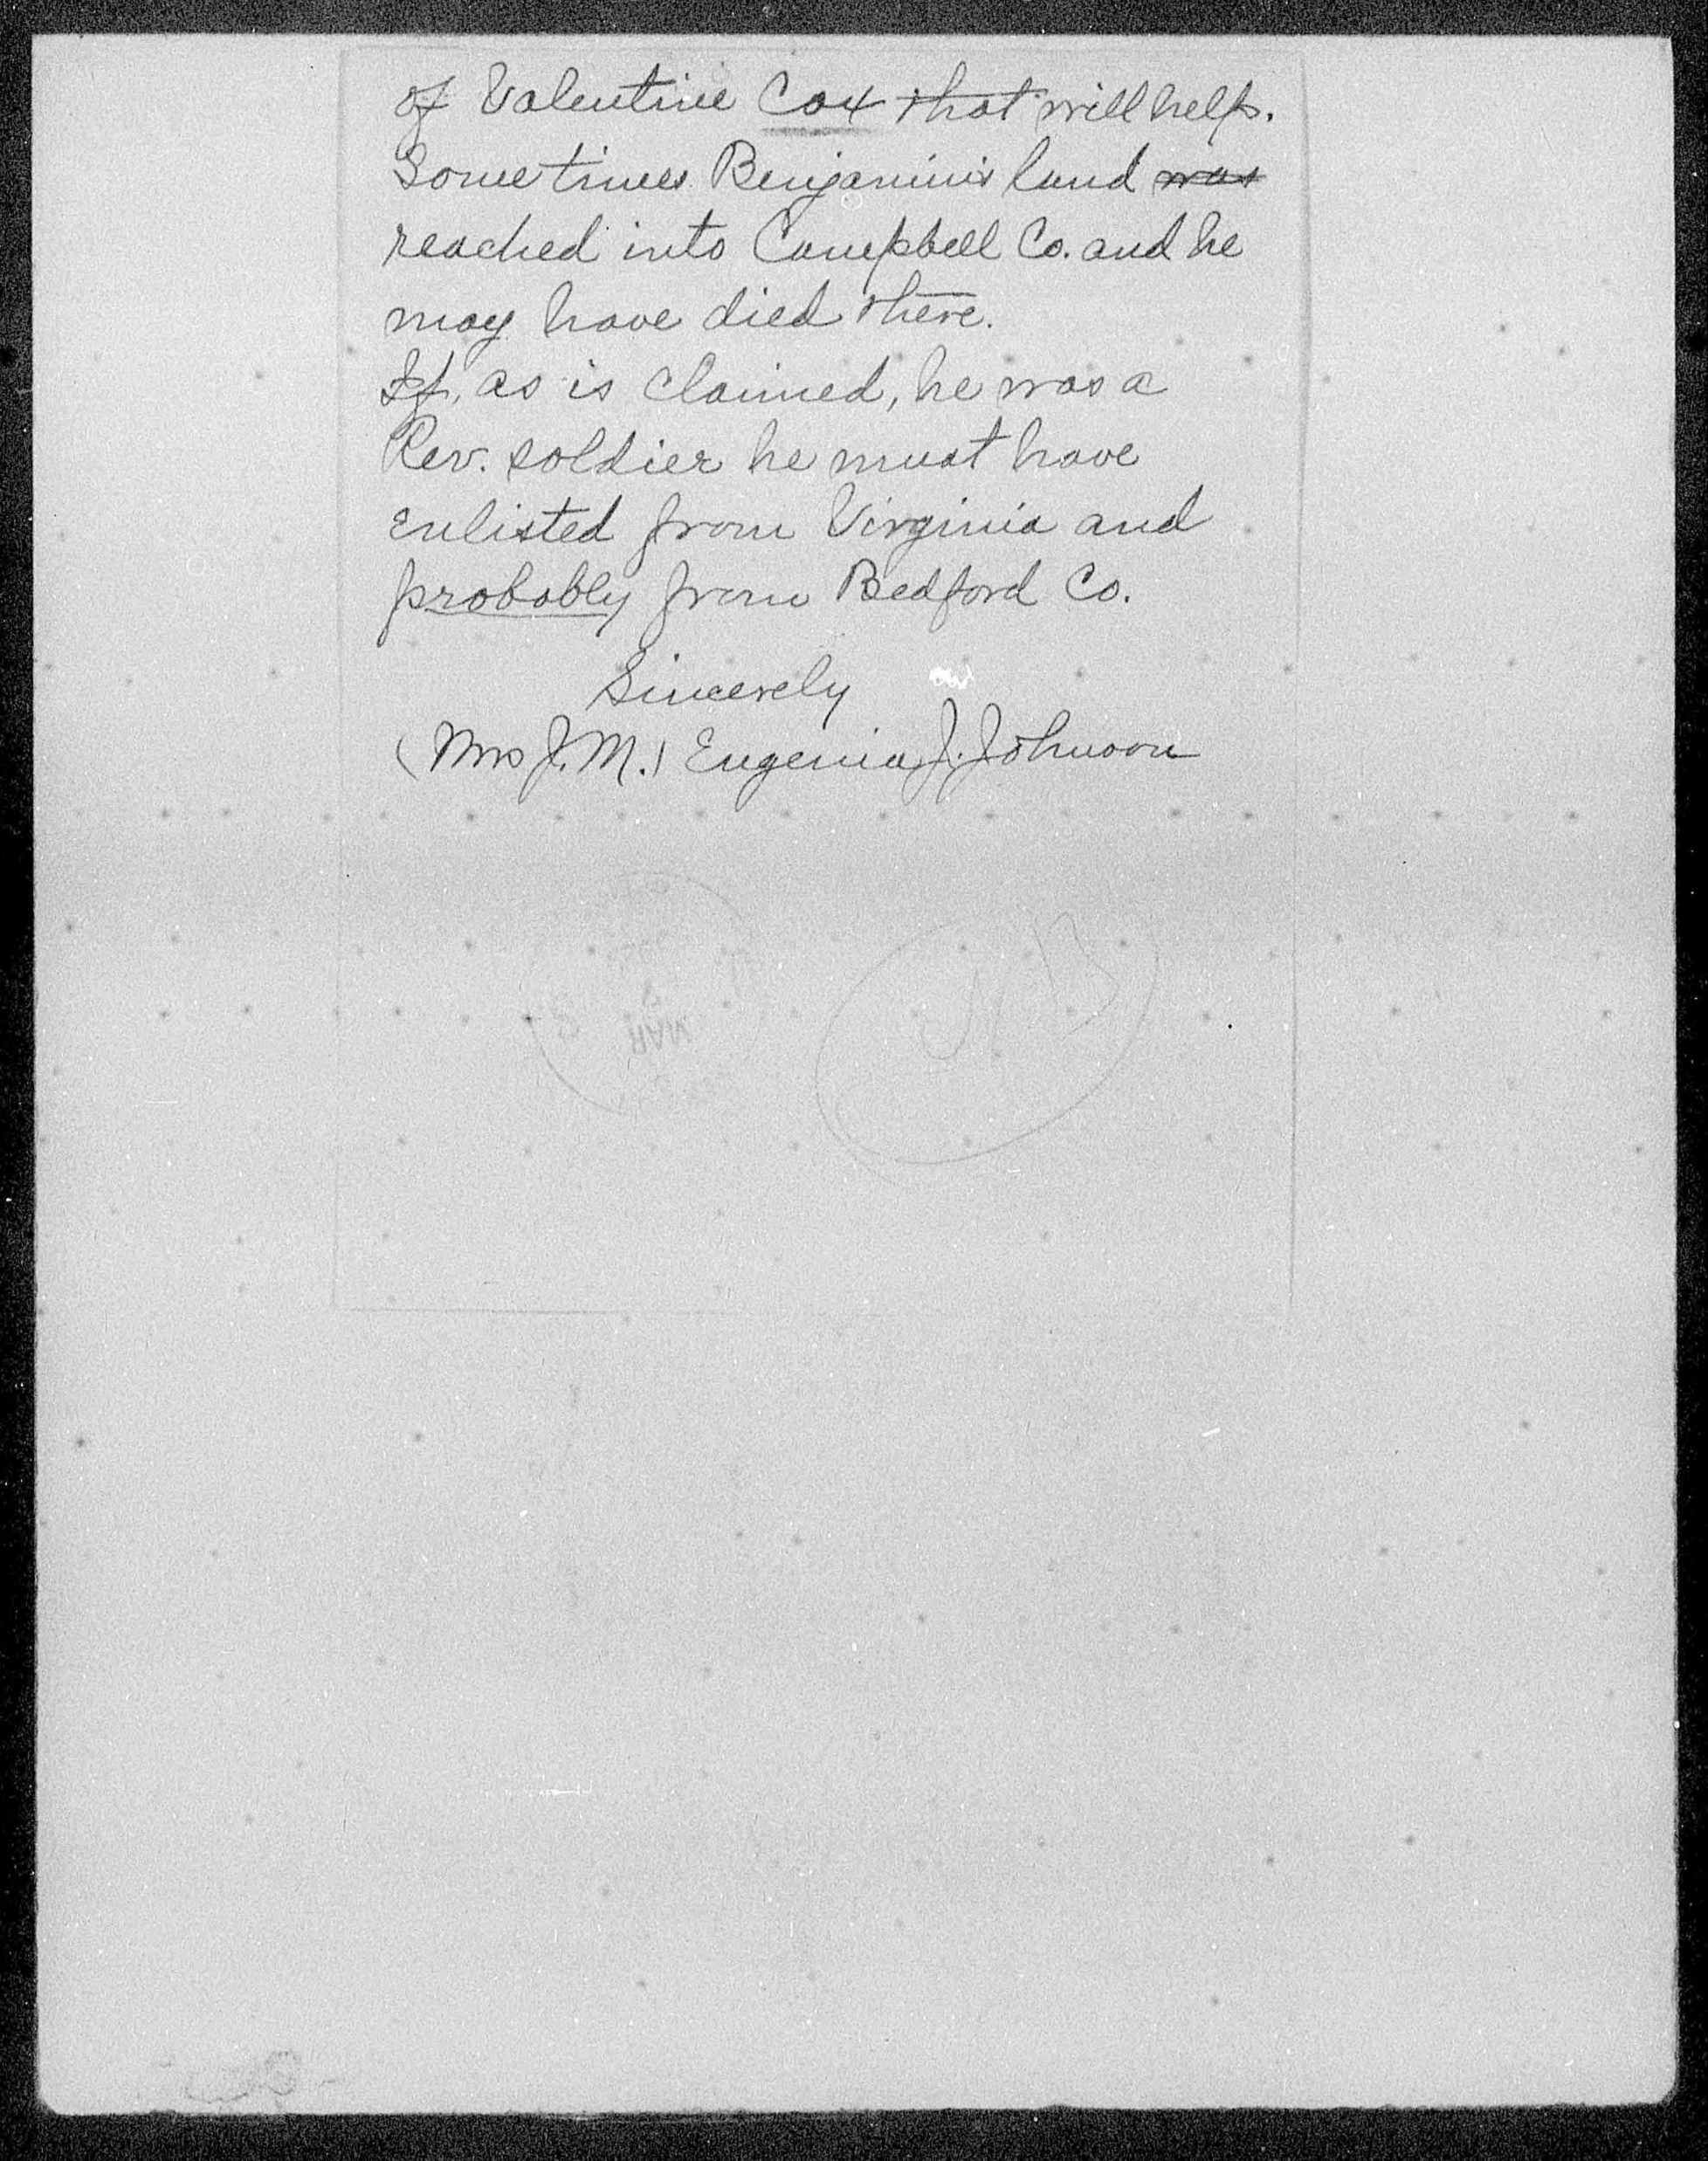of Valentine Cox that will help.  Some times Benjamin's land reached into Campbell Co. and he may have died there.  If, as is claimed, he was a Rev. soldier he must have enlisted from Virginia and
probably from Bedford Co
Sincerely
Mrs J. M. Eugenia J. Johnson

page: 17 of 17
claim: rejected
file: R. 5674, for Benjamin Johnson, Virginia